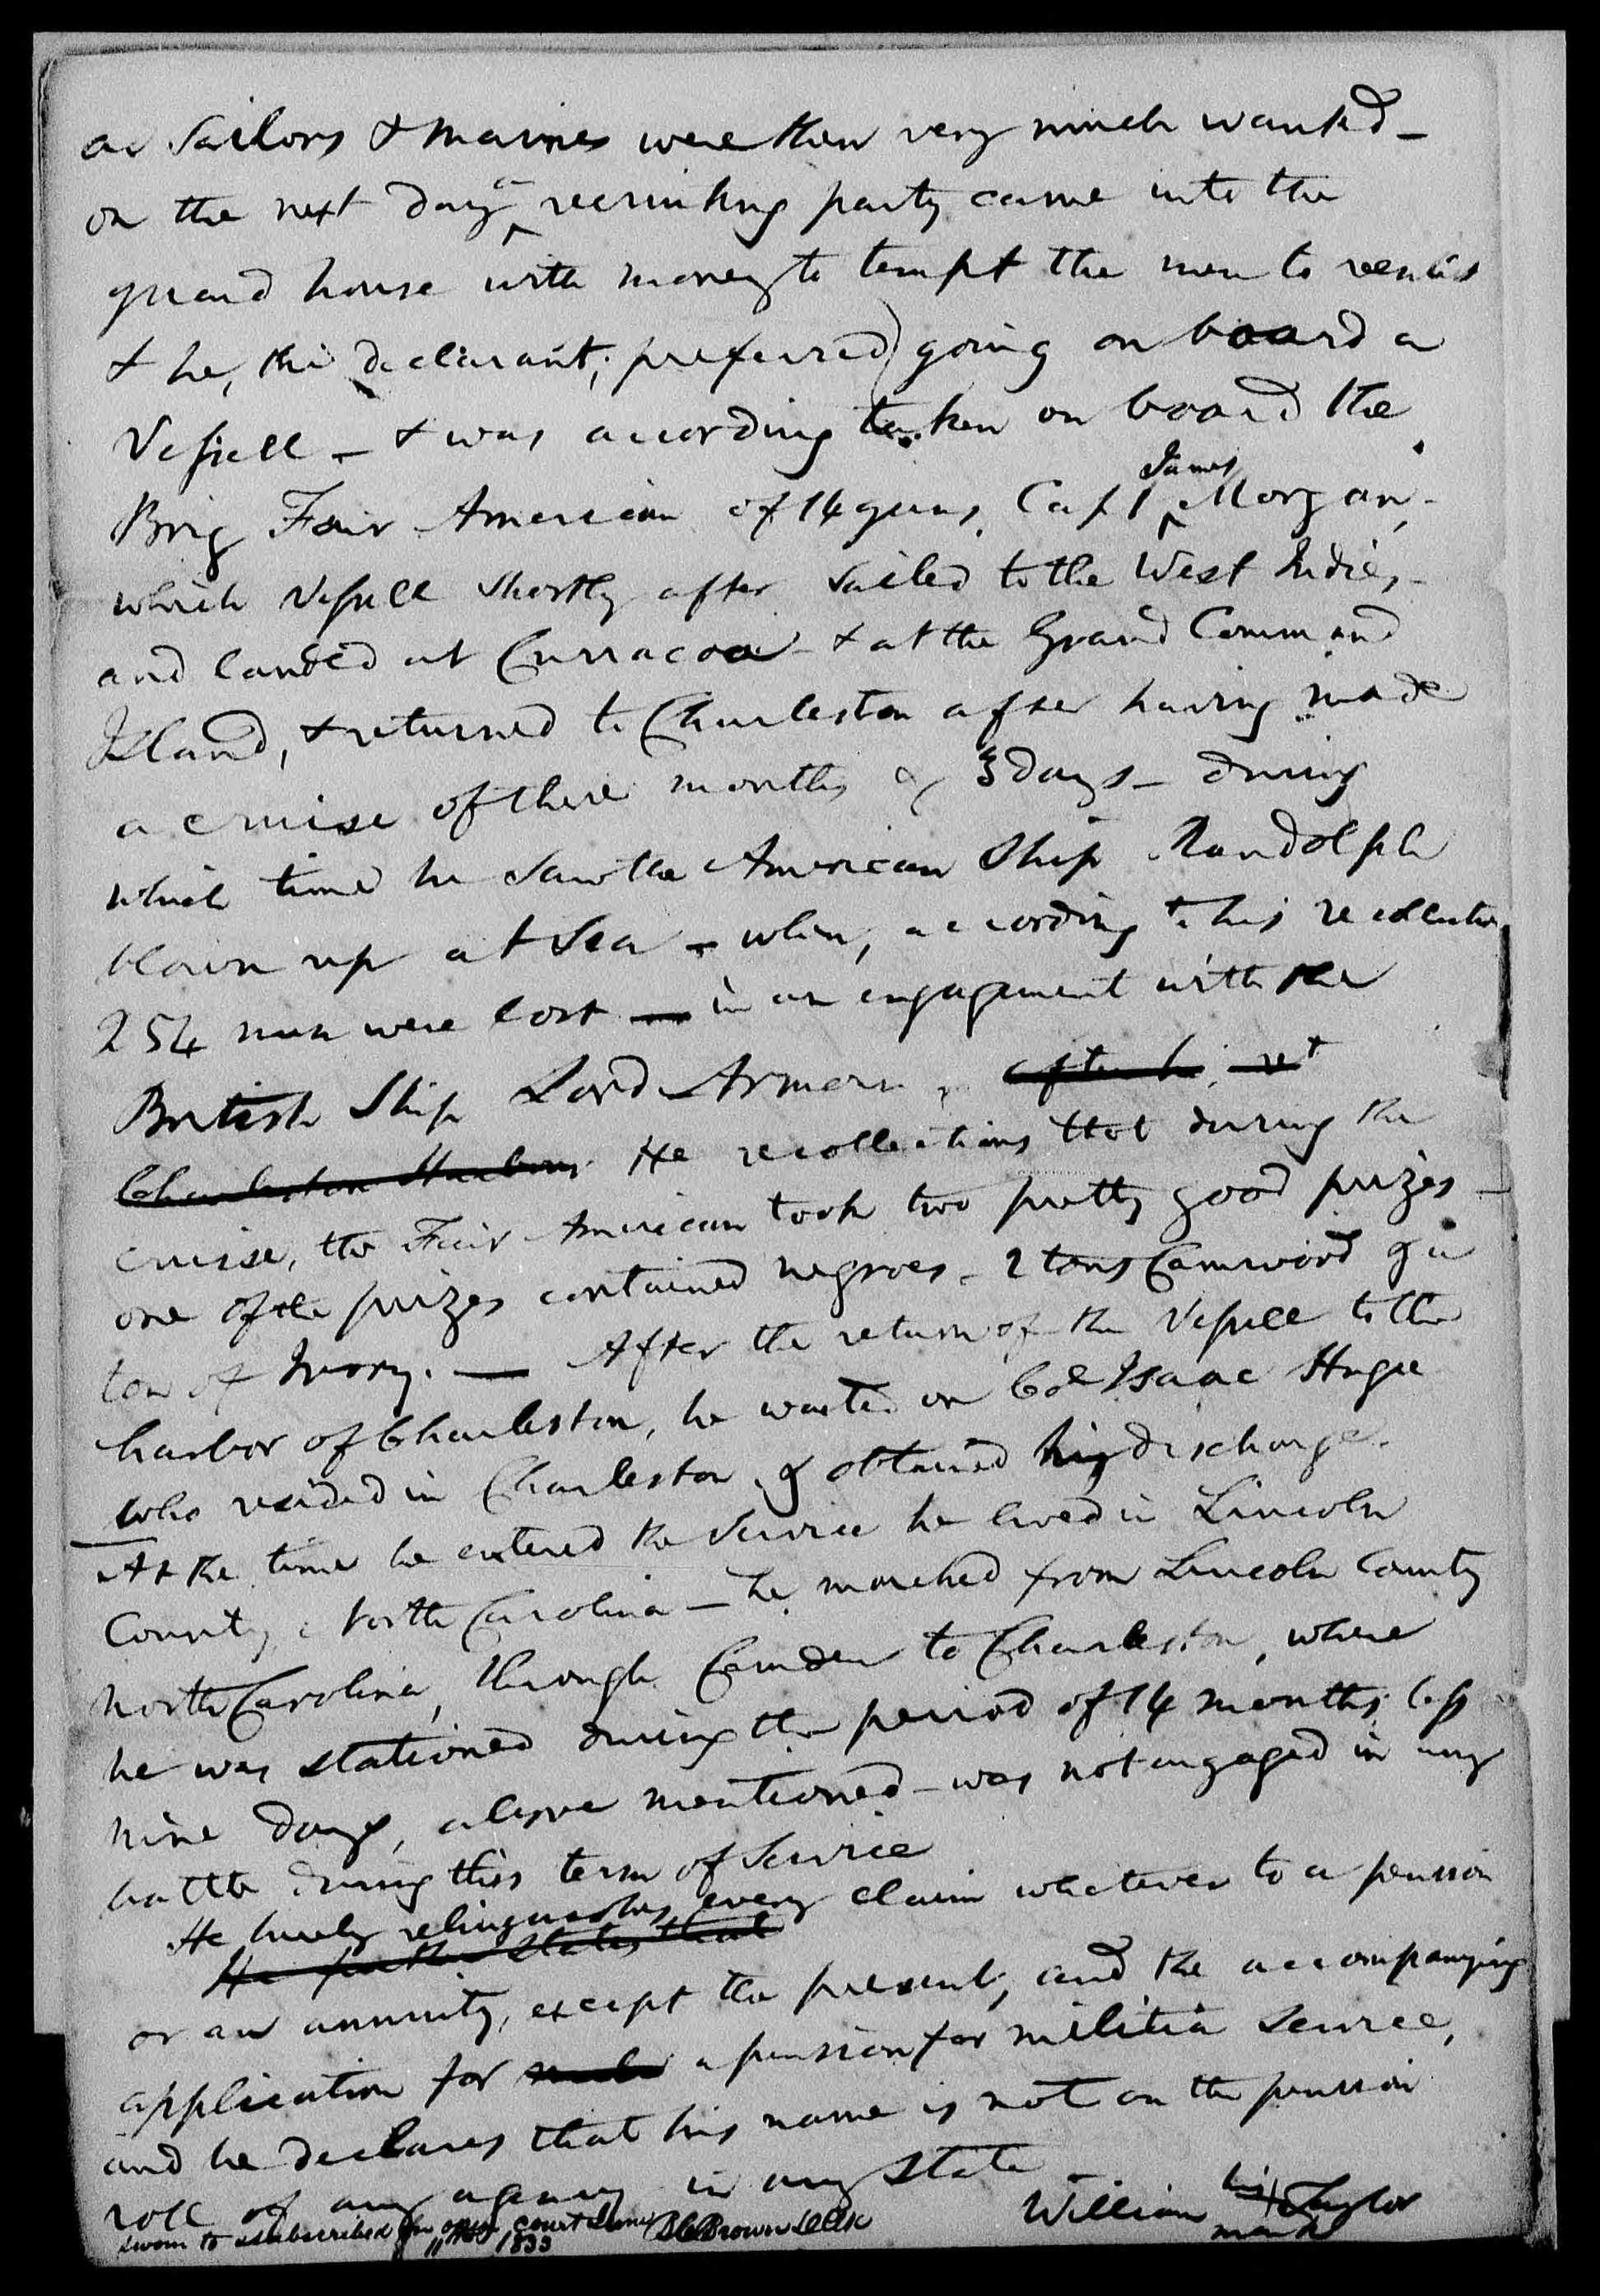as Sailors & Mariners were then very much wanted - on the next day a recruiting party came into the guard house with money to tempt the men to reenlist & he, the declarant, preferred going on board a Vesiell [vessel]-& was according taken on board the Brig Fair American of 14 guns. Capt James Morgan - which vesseill shortly after sailed to the West Indies and landed at Curracoa [Curacoa] & at the Grand Command Island, & returned to Charleston after having made a cruise of three months & 3 days - during which time he saw the American ship Randolph blown up at Sea & when, according to his recollection, 254 men were lost in an engagement with the British Ship Lord Armeni. He recollections that during the cruise the Fair American took two pretty good prizes - one of the prizes contained negroes - 2 tons Camwood & a ton of Ivory. After the return of the vessell to the harbor of Charleston, he waited in Col. Isaac Huger who resided in Charleston & obtained his discharge.
At the time be entered the service he lived in Lincoln County, North Carolina - he marched from Lincoln County North Carolina, through Camden to Charleston, where he was stationed during this period of 14 months less nine days, above mentioned, was not engaged in any battle during this term of service.
He hereby relinquishes every claim whatever to a pension or an annuity, except the present, and the accompanying application for a pension for militia service, and he declares that his name is not on the pension roll of any agency in any State.
William Taylor his mark X
Sworn to & subscribed in open court June 11th 1833
BC Brown Clk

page: 3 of 33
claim: rejected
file: R 10439, for William Taylor, North Carolina